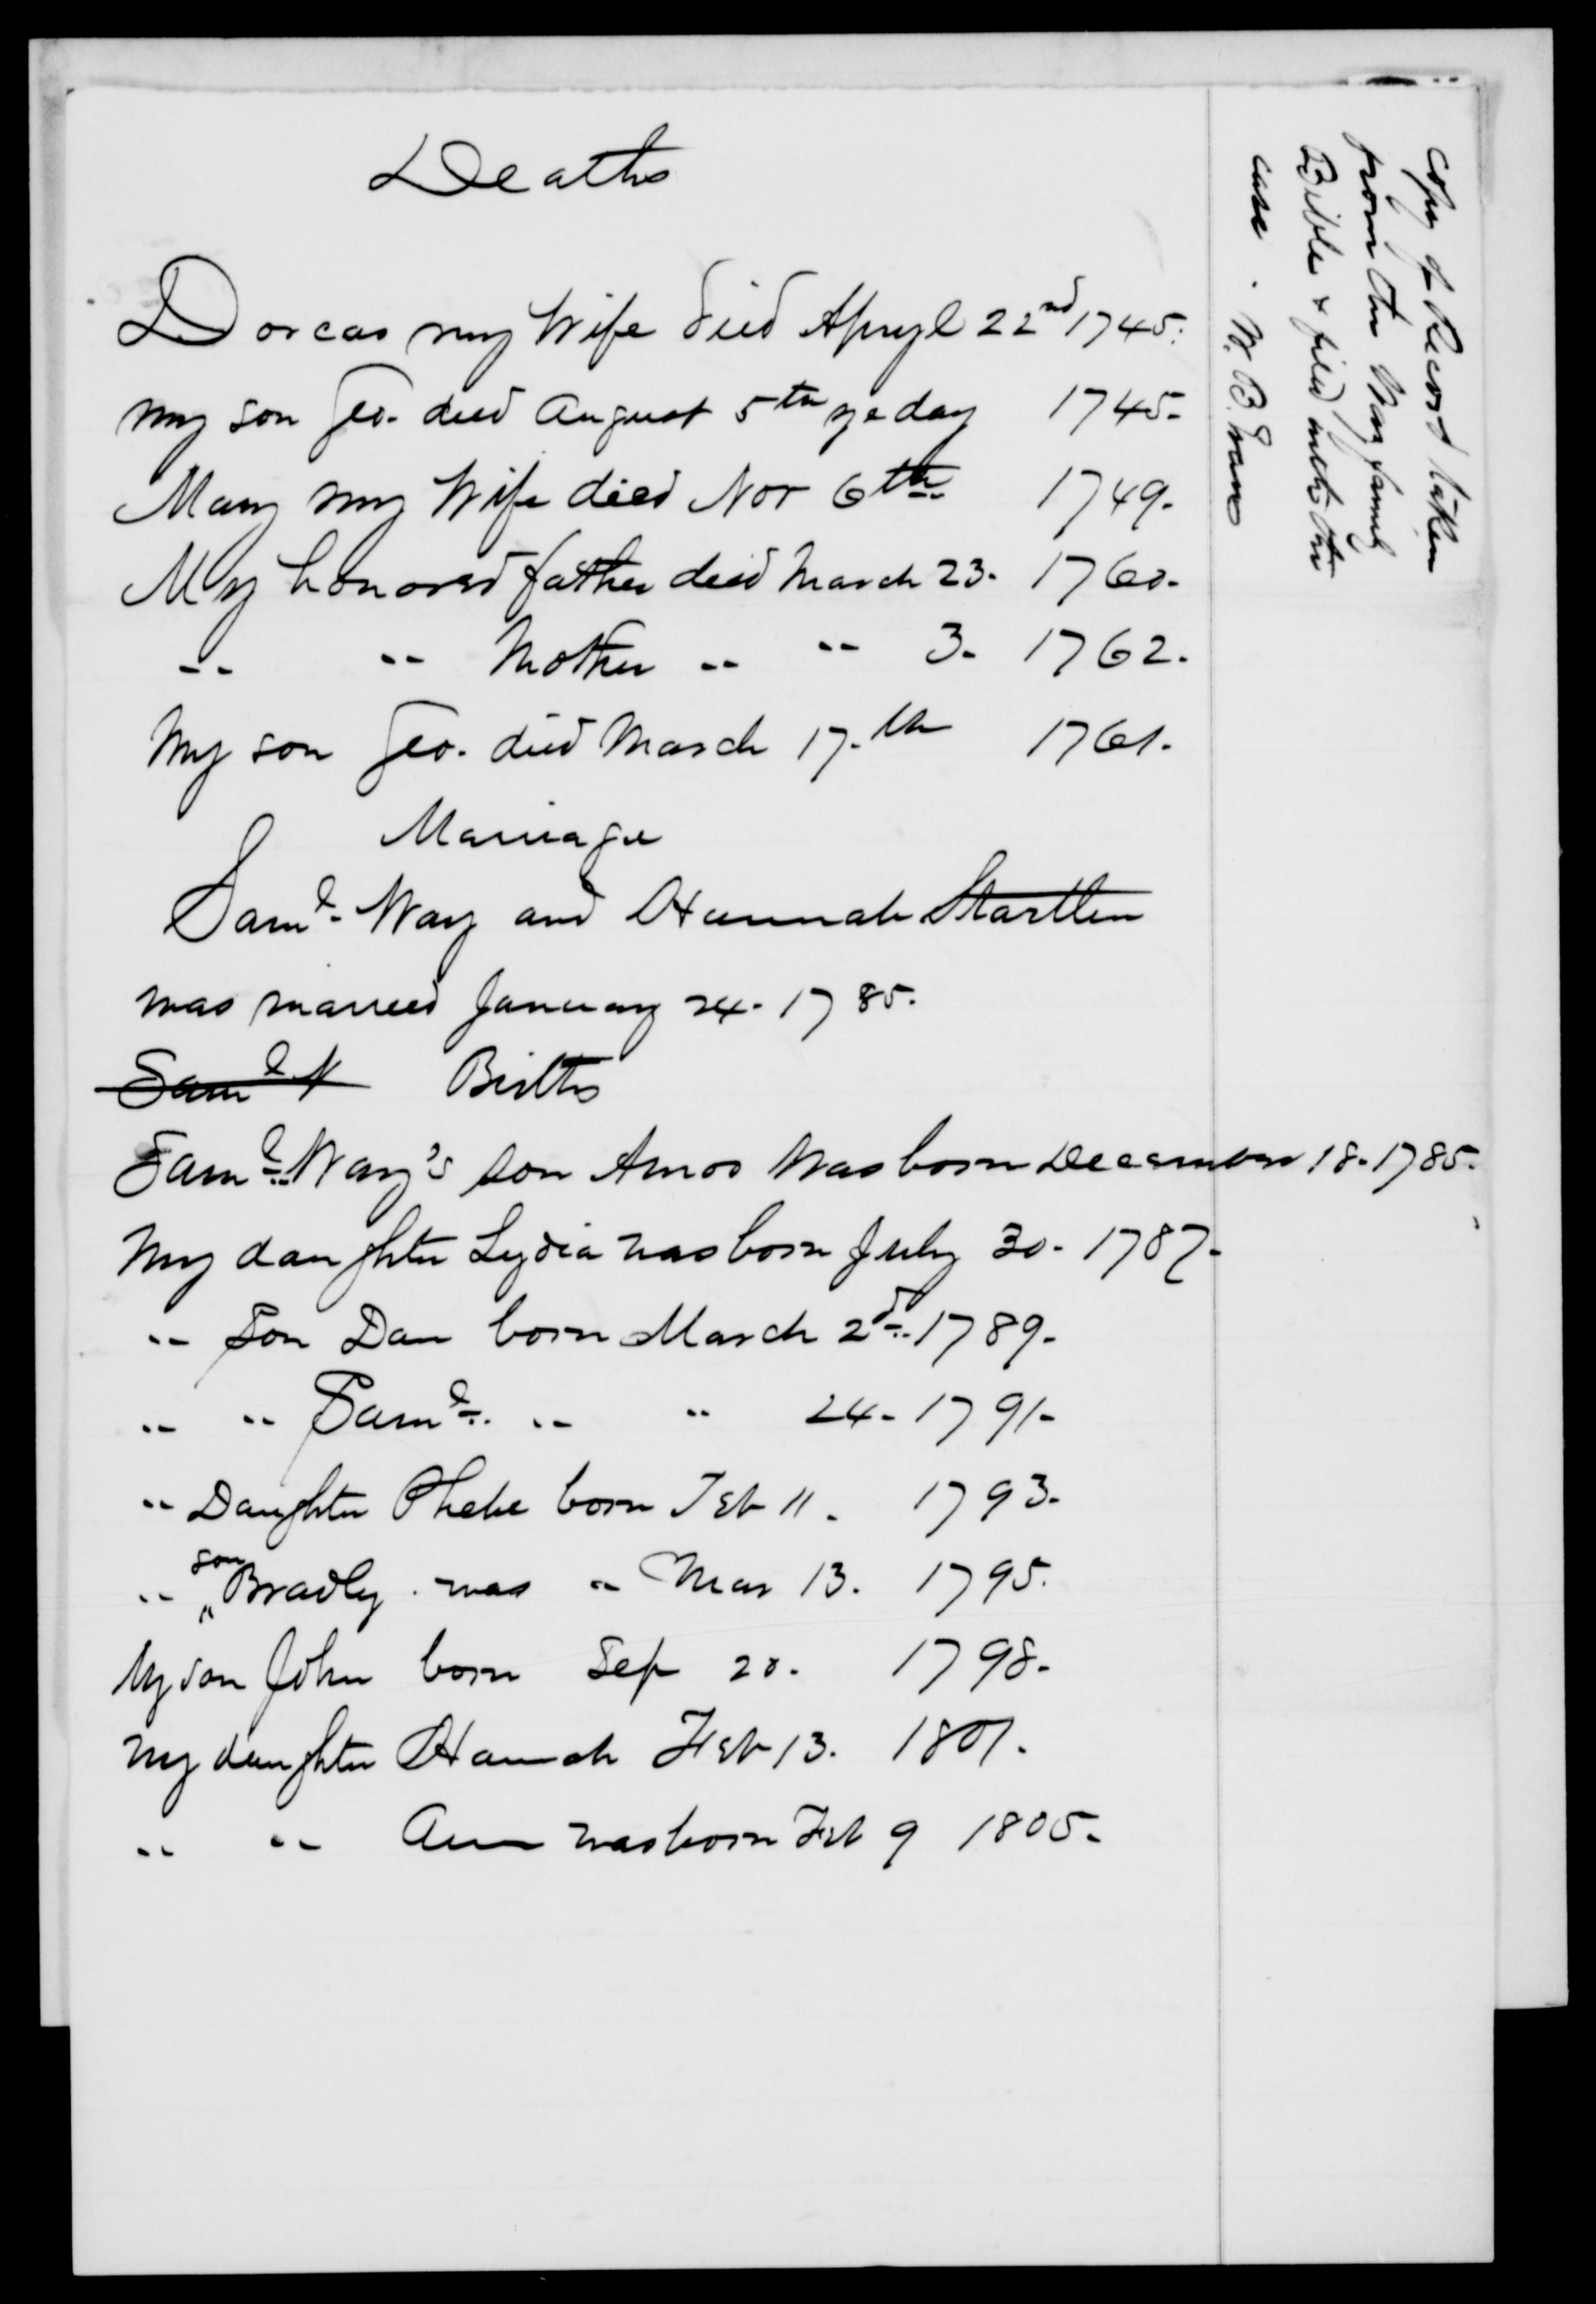Copy of Record taken from the Way family bible & filed with the case.  W.B. Evans
Deaths
Dorcas my Wife died April 22nd 1745
my son Geo. died August 5th ye day 1745
Mary my wife died Nov 6th 1749
My honored father died March 23, 1760
My honored mother died March 3 1762
my son Geo. died March 17th 1761
Marriages
Saml Way and Hannah Startlin
was married January 24, 1785
Births
Saml Way's Son Amos was born December 18, 1785
my daughter Lydia was born July 30, 1787
my Son Dan born March 2d 1789
my son Saml born March 24 1791
my Daughter Phebe born Feb 11, 1793
my son Bradley was born Mar 13, 1795.
my son John born Sept 20. 1798
my daughter Hannah Feb 13, 1801
my daughter Ann was born Feb 9 1805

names: John, Saml Way, W B Evans, Ann, Hannah, Hannah Startlin, Mary, Amos, Bradly, Phebe, Dorcas, Dan, Geo, Lydia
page: 12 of 78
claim: widow's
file: W. 25856, Samuel Way, N.H.